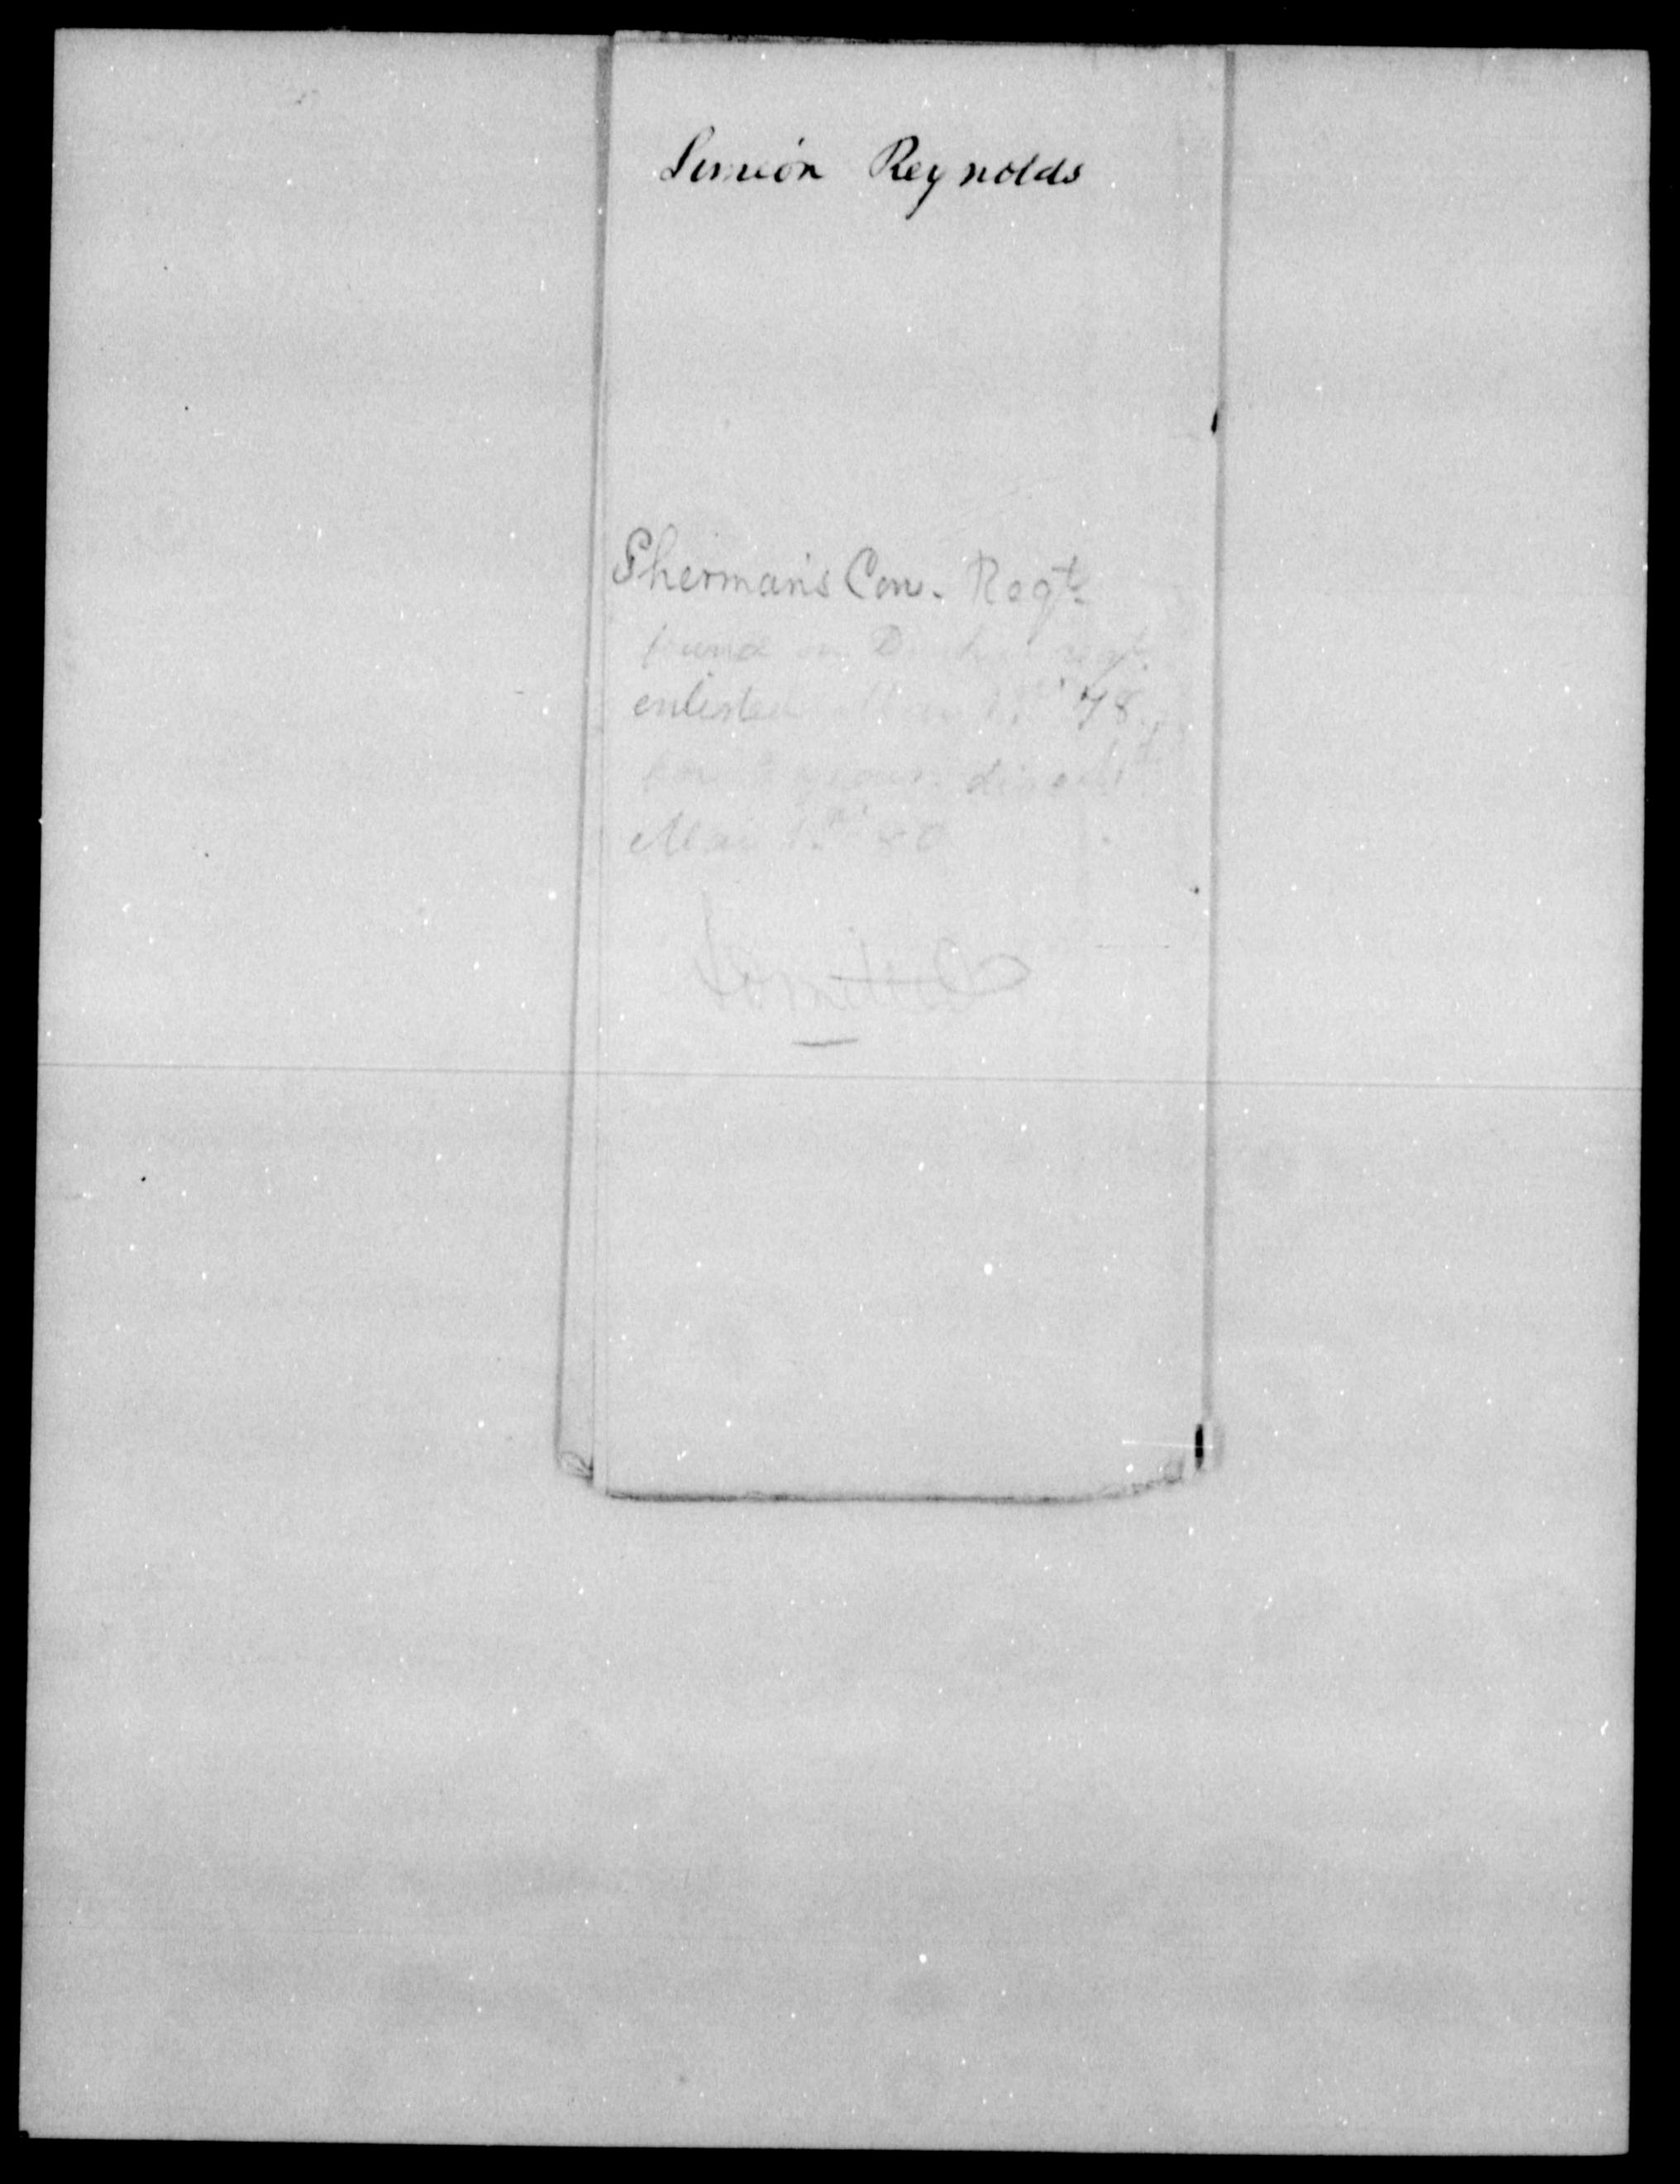Simeon Reynolds

Sherman's Con. Regt.
found on D [faded] regt.
enlisted [faded] 78
for 2 years [faded]
[faded] 80

Admitted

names: Simeon Reynolds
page: 3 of 20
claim: survivor's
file: S. 41,094, for Simeon Reynolds, Connecticut